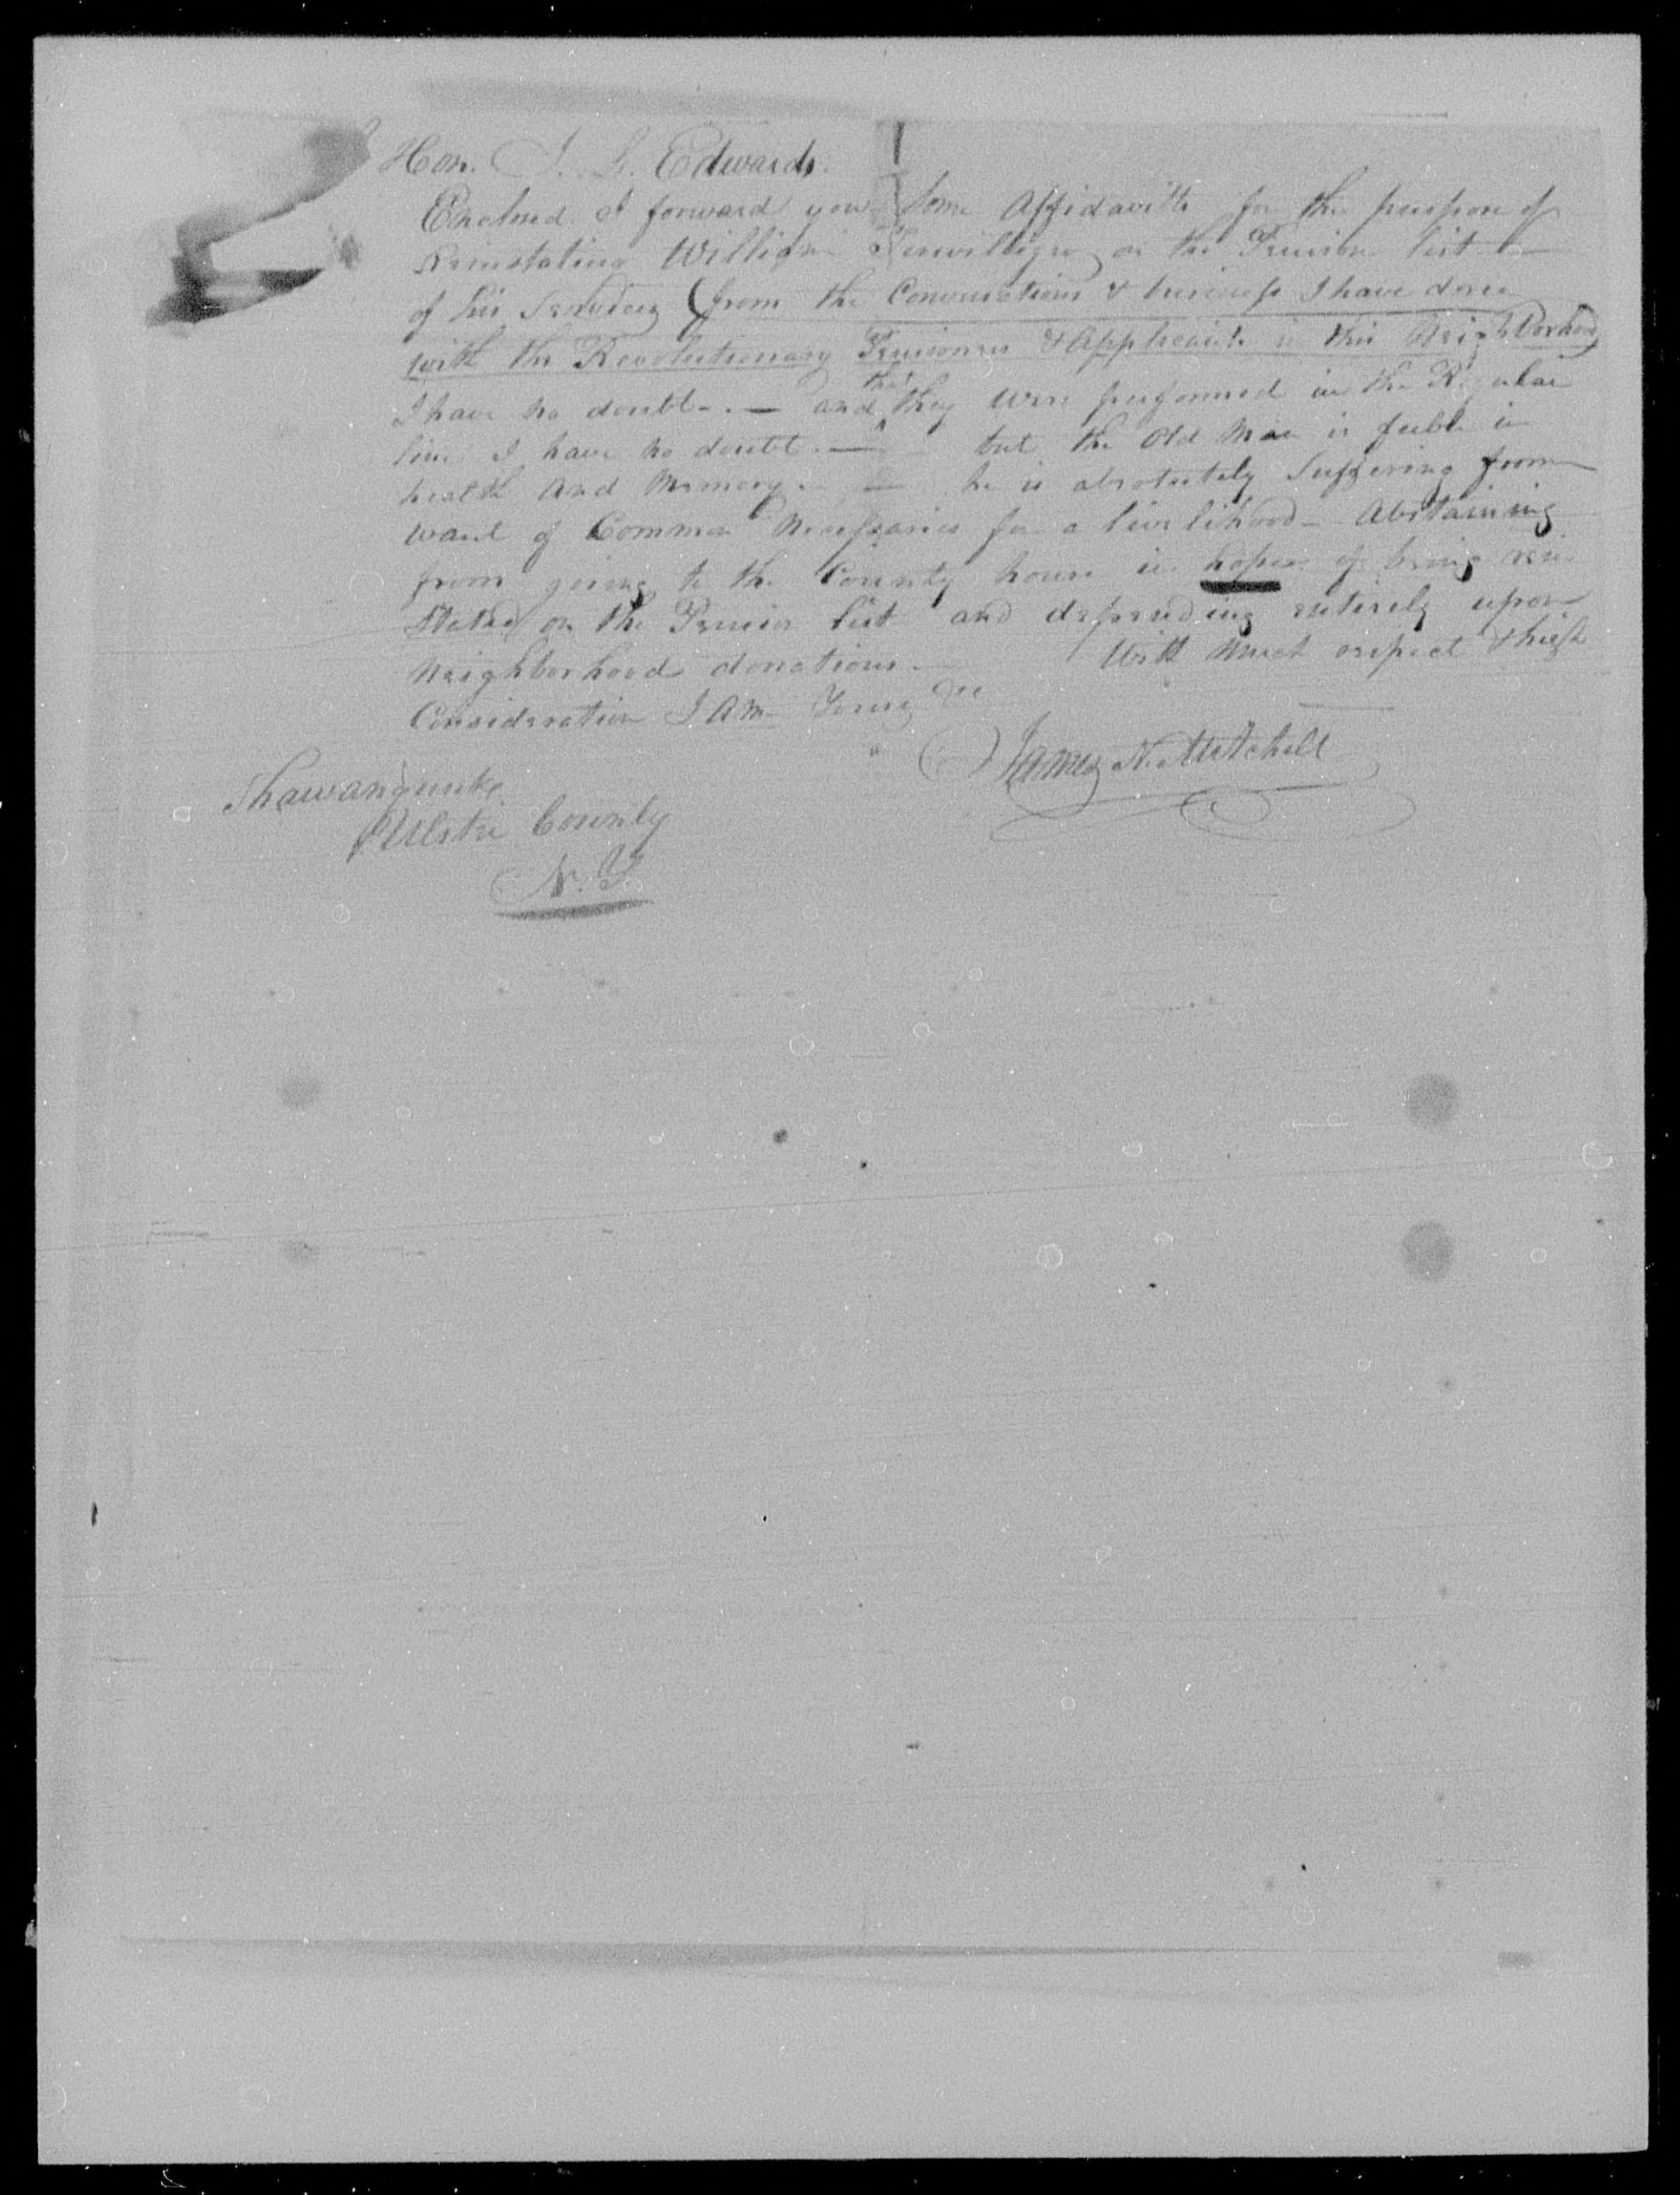Hon. J. L. Edwards
Enclosed I forward you some affidavits for the purpose of
Reinstating William
Terwilliger on the Pension list
of his services from the convictions & harness I have none
with the Revolutionary Pensions & applicant in this work
I have no doubt they were performed in the Regular line I have no doubt but the old man is feeble
health and memory, he is absolutely suffering from
want of common necessaries for a livelihood abstaining
from seeing to the County house in hopes of bring
States on the Pension list and depending entirely upon
neighborhood donations.
With much respect & high
Consideration I am Yours

James Mitchell
Shawangunk
Ulster County NY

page: 39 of 64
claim: survivor's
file: S. 42,464, for William Terwilliger, New York